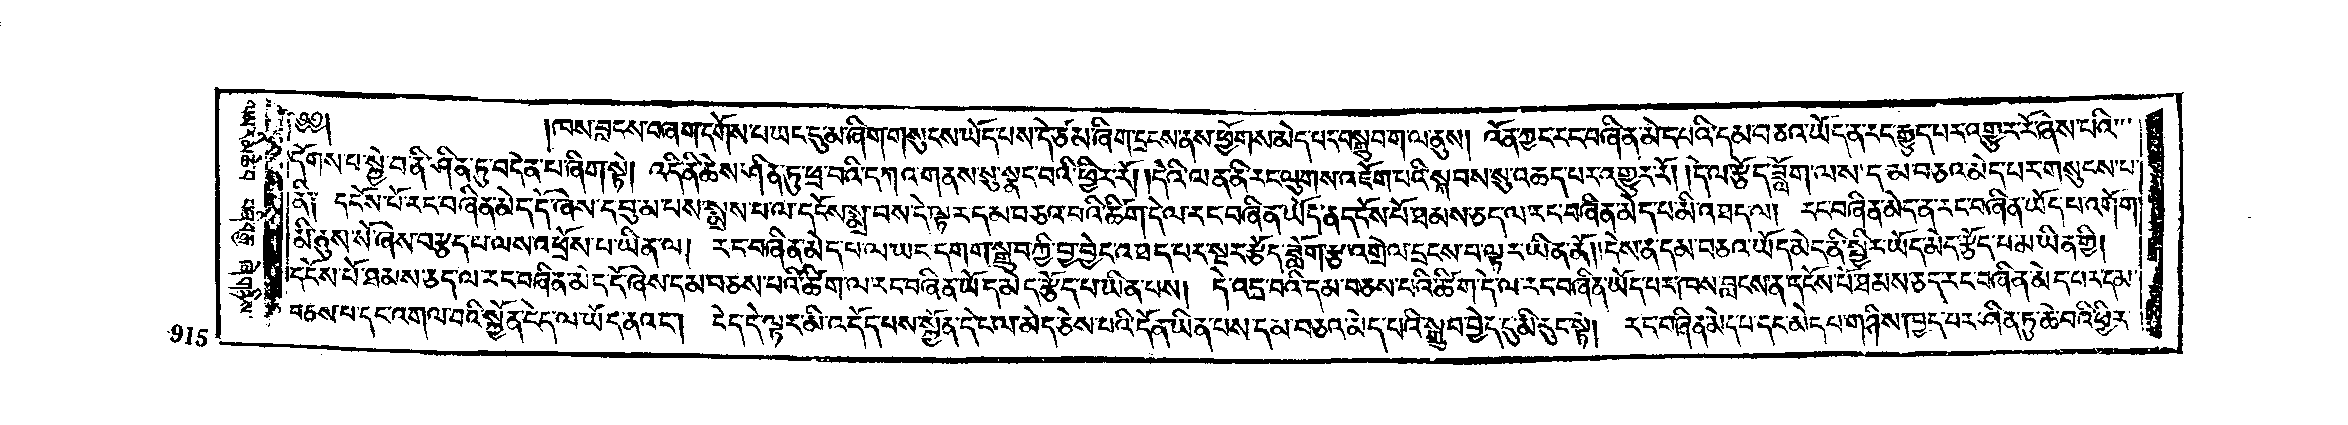༄༅། །ཁས་བླངས་བཞག་དགོས་པ་ཡང་དུ་མ་ཞིག་གསུངས་ཡོད་པས་དེ་ཙམ་ཞིག་དྲངས་ནས་ཕྱོགས་མེད་པར་བསྒྲུབ་ག་ལ་ནུས། འོན་ཀྱང་རང་བཞིན་མེད་པའི་དམ་བཅའ་ཡོད་ན་རང་རྒྱུད་པར་འགྱུར་རོ་ཞེས་པའི་
དོགས་པ་སྐྱེ་བ་ནི་ཤིན་ཏུ་བདེན་པ་ཞིག་སྟེ། འདི་ནི་ཆེས་ཤིན་ཏུ་ཕྲ་བའི་དཀའ་གནས་སུ་སྣང་བའི་ཕྱིར་རོ། །དེའི་ལན་ནི་རང་ལུགས་འཇོག་པའི་སྐབས་སུ་འཆད་པར་འགྱུར་རོ། །དེ་ལ་རྩོད་ཟློག་ལས་དམ་བཅའ་མེད་པར་གསུངས་པ་
ནི༑ དངོས་པོ་རང་བཞིན་མེད་དོ་ཞེས་དབུ་མ་པས་སྨྲས་པ་ལ་དངོས་སྨྲ་བས་དེ་ལྟར་དམ་འཆའ་བའི་ཚིག་དེ་ལ་རང་བཞིན་ཡོད་ན་དངོས་པོ་ཐམས་ཅད་ལ་རང་བཞིན་མེད་པ་མི་འཐད་ལ། རང་བཞིན་མེད་ན་རང་བཞིན་ཡོད་པ་འགོག་
མི་ནུས་སོ་ཞེས་བརྩད་པ་ལས་འཕྲོས་པ་ཡིན་ལ། རང་བཞིན་མེད་པ་ལ་ཡང་དགག་སྒྲུབ་ཀྱི་བྱ་བྱེད་འཐད་པར་སྔར་རྩོད་ཟློག་རྩ་འགྲེལ་དྲངས་པ་ལྟར་ཡིན་ནོ། །དེས་ན་དམ་བཅའ་ཡོད་མེད་ནི་སྤྱིར་ཡོད་མེད་རྩོད་པ་མ་ཡིན་གྱི།
དངོས་པོ་ཐམས་ཅད་ལ་རང་བཞིན་མེད་དོ་ཞེས་དམ་བཅས་པའི་ཚིག་ལ་རང་བཞིན་ཡོད་མེད་རྩོད་པ་ཡིན་པས། དེ་འདྲ་བའི་དམ་བཅས་པའི་ཚིག་དེ་ལ་རང་བཞིན་ཡོད་པར་ཁས་བླངས་ན་དངོས་པོ་ཐམས་ཅད་རང་བཞིན་མེད་པར་དམ་
བཅས་པ་དང་འགལ་བའི་སྐྱོན་ངེད་ལ་ཡོད་ནའང་། ངེད་དེ་ལྟར་མི་འདོད་པས་སྐྱོན་དེ་ང་ལ་མེད་ཅེས་པའི་དོན་ཡིན་པས་དམ་བཅའ་མེད་པའི་སྒྲུབ་བྱེད་དུ་མི་རུང་སྟེ། རང་བཞིན་མེད་པ་དང་མེད་པ་གཉིས་ཁྱད་པར་ཤིན་ཏུ་ཆེ་བའི་ཕྱིར་